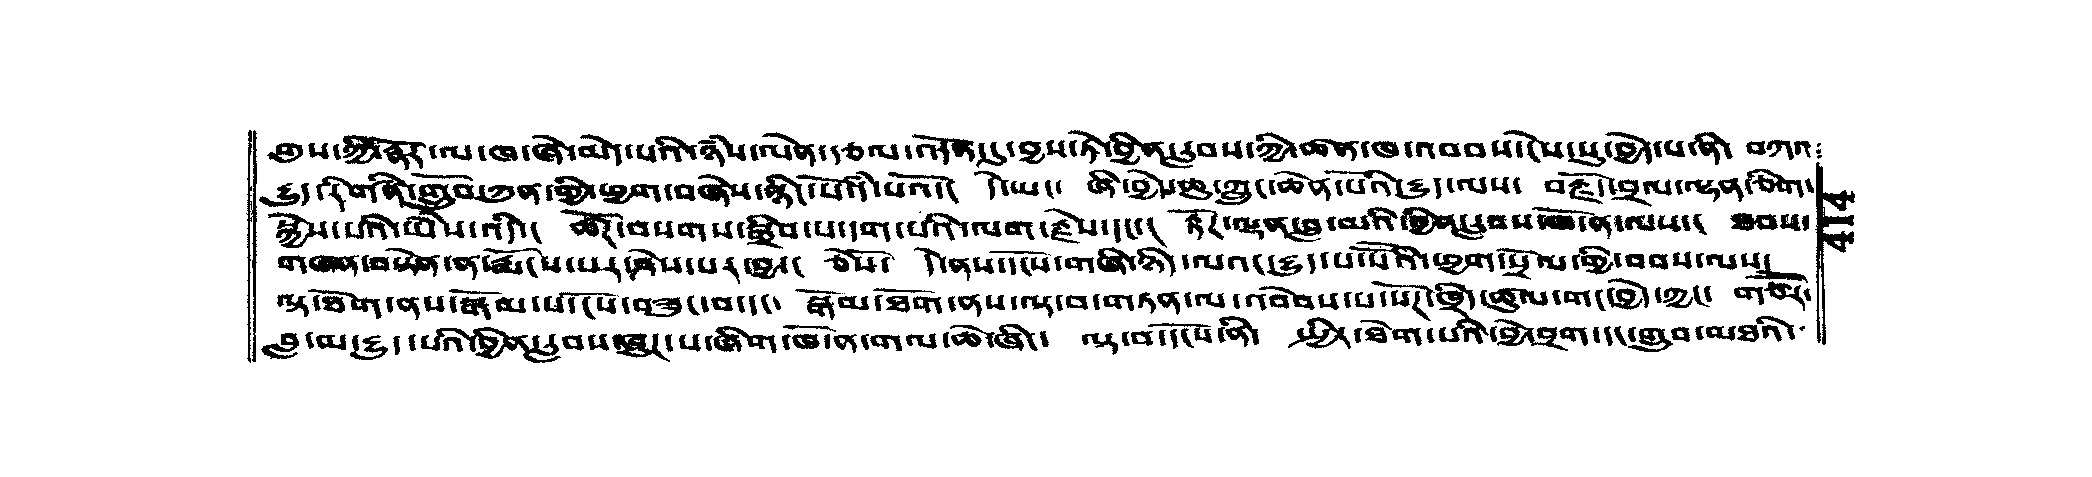གུས་ཀྱི་རྣལ་འབྱོར་ལ་ཁ་ཞེ་མེད་པའི་ཉམས་ལེན་རྩལ་འདོན་དུ་བྱས་ཏེ་བྱིན་རླབས་ཀྱི་ཚན་ཁ་འབབས་ངེས་སུ་བྱེད་པ་ནི།བཀའ་
རྒྱུད་རིག་འཛིན་གྲུབ་ཐོབ་ཀུན་གྱི་ཕྱག་བཞེས་སྙིང་པོ་དམ་པའོ། དེ་ཡང་། ཞི་བྱེད་ཆུ་ཀླུང་ཆེན་པོའི་རྒྱུད་ལས། བརྗོད་བྲལ་ལྷན་ཅིག་
སྐྱེས་པའི་ཡེ་ཤེས་འདི། །ཚོགས་བསགས་སྒྲིབ་པ་དག་པའི་ལག་རྗེས་དང་། །རྟོགས་ལྡན་བླ་མའི་བྱིན་རླབས་ཁོ་ན་ལས། །ཐབས་
གཞན་བསྟེན་ན་རྨོངས་པར་ཤེས་པར་བྱ། ཞེས་སོ། དེ་ནས་དངོས་གཞི་ཉིད་ལའང་རྒྱུད་པ་སོ་སོའི་ཕྱག་སྲོལ་གྱི་བབས་ལས། 
ལྟ་ཐོག་ནས་སྒོམ་པ་ངོས་བཟུང་བ་དང་། སྒོམ་ཐོག་ནས་ལྟ་བ་གཏན་ལ་འབེབས་པ་སོགས་ཁྲིད་ཚུལ་གང་བྱེད་ཀྱང་། གཙོ་བོར་
བླ་མ་རྒྱུད་པའི་བྱིན་རླབས་ཞུགས་པ་ཞིག་ཁོ་ན་གལ་ཆེ་ཞིང་། ལྟ་བ་དངོས་ནི། སྤྱིར་ཐེག་པའི་བྱེ་བྲག་དང་གྲུབ་མཐའི་